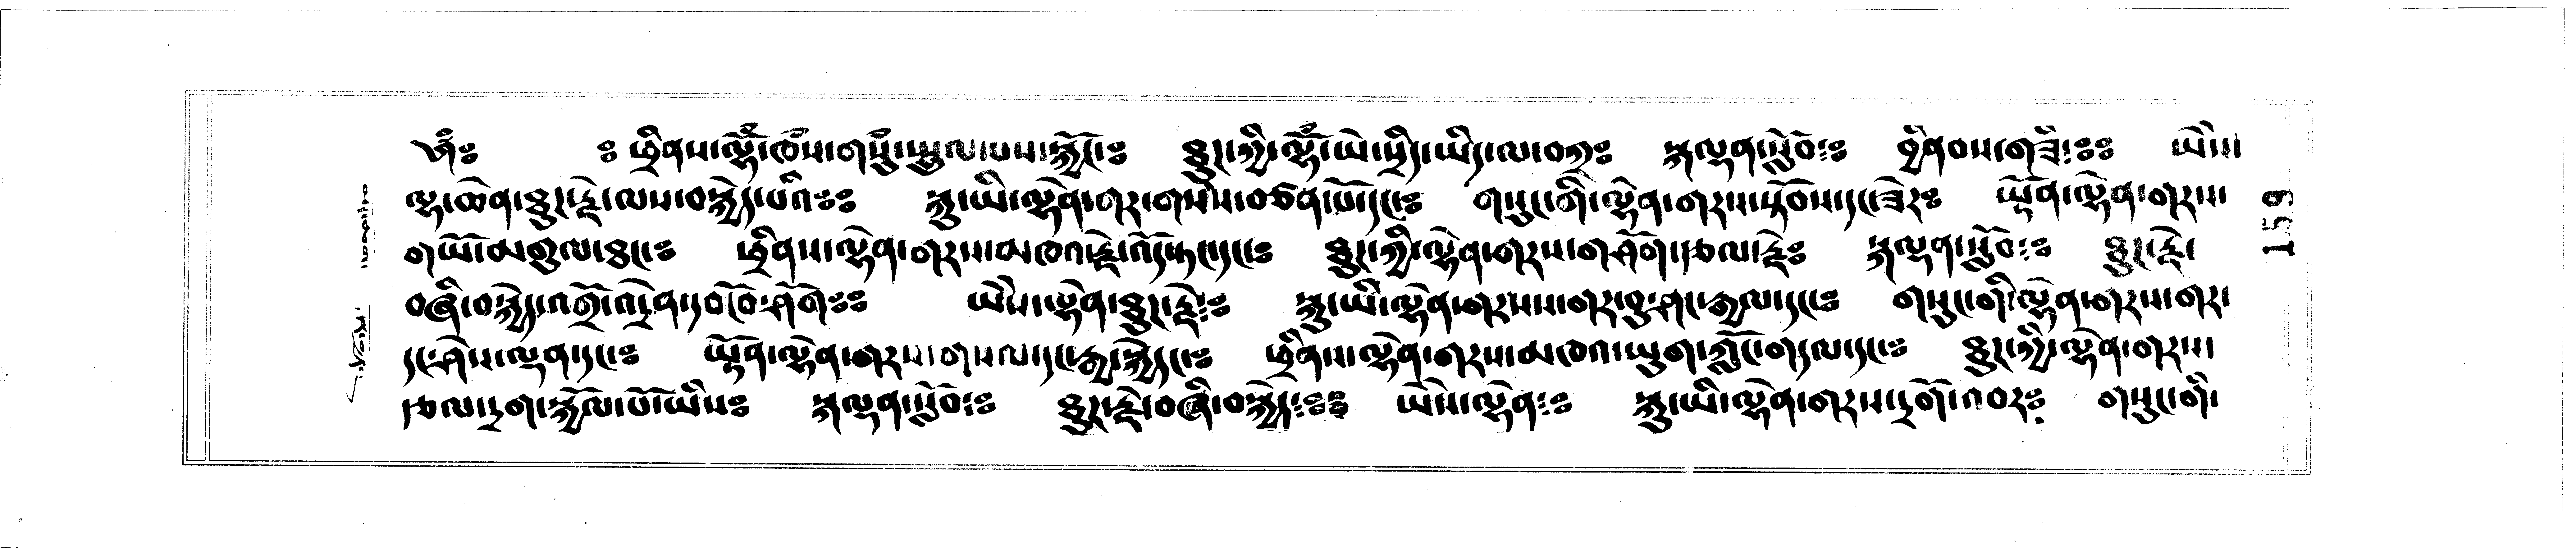ཕྲིན་ལས་ཀྱི་ལྷ་མོ་ཁམས་གསུམ་སྤྲུལ་པས་སྐྱོངཿ ཐུགས་ཀྱི་ལྷ་མོ་ཡེ་སྲིད་ཡིད་ལ་བཀྲཿ སྐལ་ལྡན་སློབ་མ་རྣམས་ལ་དབང་བསྐུར་བསཿ བྱིན་རླབས་གཟི་བརྗིད་འགྲོ་འདྲེན་དབང་ཐོབ་ཤོགཿ ཨ་ཨ་ཨད་ཨཱོྃཿ ཉི་རི་བྷ་ར་བྷྲུྃ་འདུཿ ཡེ་ཤེས་
ལྷ་ཆེན་ཐུགས་རྗེ་ལས་བསྐྱེད་པའིཿ སྐུ་ཡི་ལྷ་ཆེན་གར་གསས་བཙན་པོ་དངཿ གསུང་གི་ལྷ་ཆེན་གར་གསས་སྟོབས་དང་ཟེརཿ ཡོན་ཏན་ལྷ་ཆེན་གར་གསས་
གཡོ་འགུལ་ཐངཿ ཕྲིན་ལས་ལྷ་ཆེན་གར་གསས་མཁའ་རྗེ་འོད་ཏང་དངཿ ཐུགས་ཀྱི་ལྷ་ཆེན་གར་གསས་གཤོག་རྩལ་རྗེཿ སྐལ་ལྡན་སློབ་མ་རྣམས་ལ་དབང་བསྐུར་བསཿ ཐུགས་རྗེ་
བཞི་བསྐྱེད་འགྲོ་འདྲེན་དབང་ཐོབ་ཤོགཿ ཡེ་ཤེས་ལྷ་ཆེན་ཐུགས་རྗེ་ལས་བསྐྱེད་པའིཿ སྐུ་ཡི་ལྷ་ཆེན་གར་གསས་གར་བུ་ཤངས་རྒྱལ་དངཿ གསུང་གི་ལྷ་ཆེན་གར་
གསས་གར་དང་ཤེས་ལྡན་དངཿ ཡོན་ཏན་ལྷ་ཆེན་གར་གསས་གསལ་དང་རྒྱ་བསྐྱེད་དངཿ ཕྲིན་ལས་ལྷ་ཆེན་གར་གསས་མཁའ་ཡུག་ཀློང་བདལ་དངཿ ཐུགས་ཀྱི་ལྷ་ཆེན་གར་གསས
རྩལ་དྲག་སྐྱོལ་པོ་ཡིསཿ སྐལ་ལྡན་སློབ་མ་རྣམས་ལ་དབང་བསྐུར་བསཿ ཐུགས་རྗེ་བཞི་བསྐྱེད་འགྲོ་འདྲེན་དབང་ཐོབ་ཤོགཿ ཡེ་ཤེས་ལྷ་ཆེན་ཐུགས་རྗེ་ལས་བསྐྱེད་པའིཿ སྐུ་ཡི་ལྷ་ཆེན་གར་གསས་དྲག་པོ་འབར་བཿ གསུང་གི་